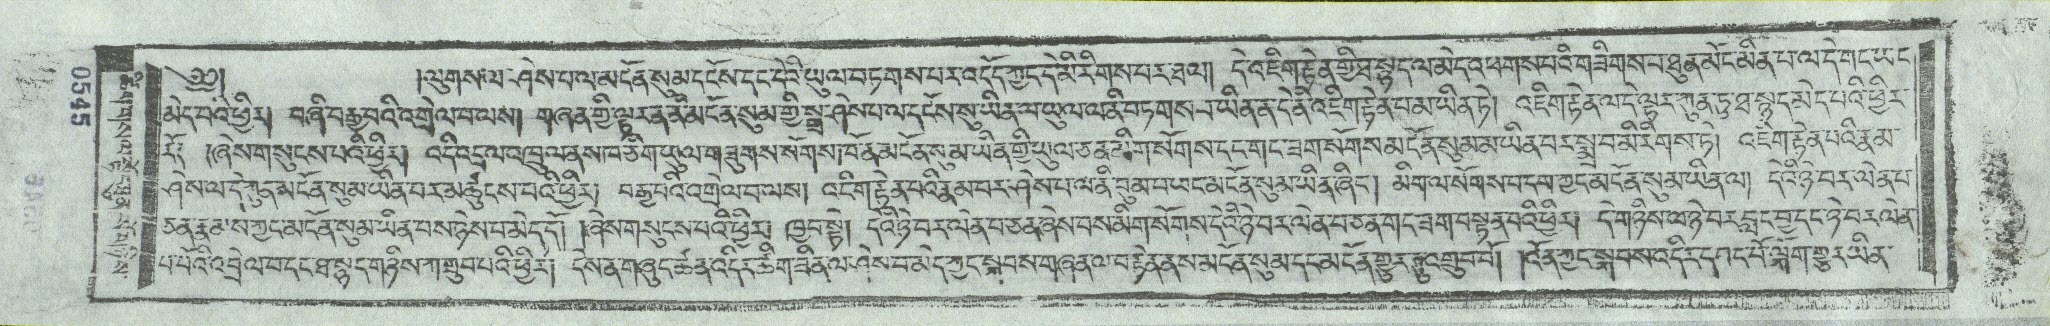༄༅། །ལུགས་ལ་ཤེས་པ་ལ་མངོན་སུམ་དངོས་དང་དེའི་ཡུལ་བཏགས་པར་འདོད་ཀྱང་དེ་མི་རིགས་པར་ཐལ། དེ་འཇིག་རྟེན་གྱི་ཐ་སྙད་ལ་མེད་འཕགས་པའི་གཟིགས་པ་ཐུན་མོང་མིན་པ་ལ་དེ་གང་ཡང་
མེད་པའི་ཕྱིར། བཞི་བརྒྱ་བའི་འགྲེལ་པ་ལས། གཞན་གྱི་ལྟར་ན་ནི་མངོན་སུམ་གྱི་སྒྲ་ཤེས་པ་ལ་དངོས་སུ་ཡིན་ལ་ཡུལ་ལ་ནི་བཏགས་པ་ཡིན་ན་དེ་ནི་འཇིག་རྟེན་པ་མ་ཡིན་ཏེ། འཇིག་རྟེན་ལ་དེ་ལྟར་ཀུན་ཏུ་ཐ་སྙད་མེད་པའི་ཕྱིར་
རོ༑ ༑ཞེས་གསུངས་པའི་ཕྱིར། འདི་འདྲ་ལ་འཁྲུལ་ནས་ཁ་ཅིག་ཡུལ་གཟུགས་སོགས་ཁོ་ན་མངོན་སུམ་ཡིན་གྱི་ཡུལ་ཅན་མིག་སོགས་དང་གང་ཟག་སོགས་མངོན་སུམ་མ་ཡིན་པར་སྨྲ་བ་མི་རིགས་ཏེ། འཇིག་རྟེན་པའི་རྣམ་
ཤེས་ལ་དེ་ཀུན་མངོན་སུམ་ཡིན་པར་མཚུངས་པའི་ཕྱིར། བརྒྱ་པའི་འགྲེལ་བ་ལས། འཇིག་རྟེན་པའི་རྣམ་པར་ཤེས་པ་ལ་ནི་བུམ་བ་ཡང་མངོན་སུམ་ཡིན་ཞིང་། མིག་ལ་སོགས་པ་དག་ཀྱང་མངོན་སུམ་ཡིན་ལ། དེའི་ཉེ་བར་ལེན་པ་
ཅན་རྣམས་ཀྱང་མངོན་སུམ་ཡིན་པས་ཉེས་པ་མེད་དོ། །ཞེས་གསུངས་པའི་ཕྱིར། ཁྱབ་སྟེ། དེའི་ཉེ་བར་ལེན་པ་ཅན་ཞེས་པས་མིག་སོགས་དེའི་ཉེ་བར་ལེན་པ་ཅན་གང་ཟག་བསྟན་པའི་ཕྱིར། དེ་གཉིས་ལ་ཉེ་བར་བླང་བྱ་དང་ཉེ་བར་ལེན་
པ་པོའི་འགྲེལ་བ་དང་ཐ་སྙད་གཉིས་ཀ་གྲུབ་པའི་ཕྱིར། དེས་ན་གཞུང་ཚན་འདིར་ཚིག་ཟིན་ལ་ཤེས་པ་མེད་ཀྱང་སྐབས་གཞན་ལ་བརྟེན་ནས་མངོན་སུམ་དང་མངོན་གྱུར་ཏུ་འགྲུབ་བོ། །འོན་ཀྱང་སྐབས་འདིར་དབང་པོ་ལྐོག་གྱུར་ཡིན་